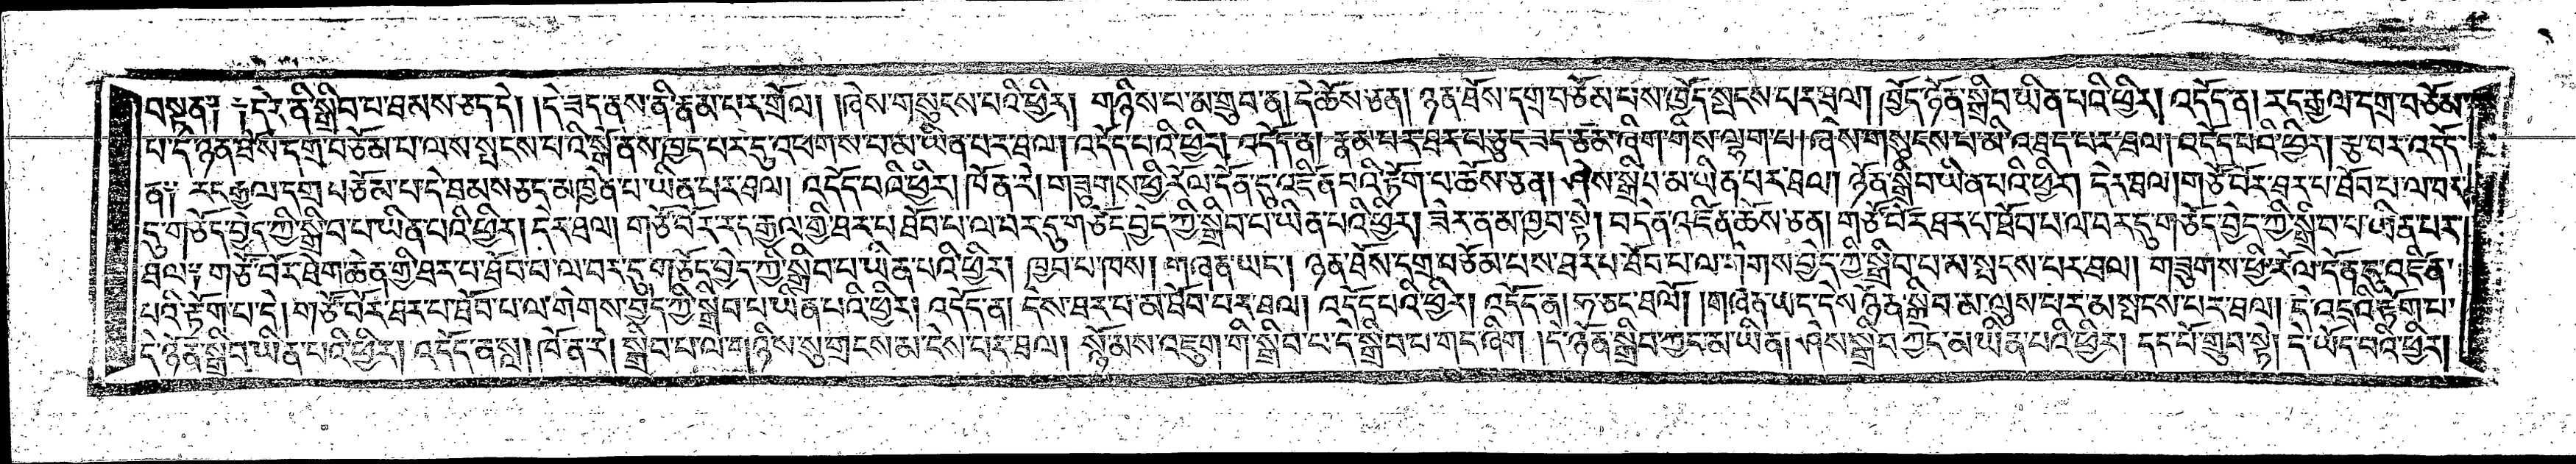བསྟན༑ ༑དེར་ནི་སྒྲིབ་པ་ཐམས་ཅད་དེ། །དེ་ཟད་ནས་ནི་རྣམ་པར་གྲོལ། །ཞེས་གསུངས་པའི་ཕྱིར། གཉིས་པ་མ་གྲུབ་ན། དེ་ཆོས་ཅན། ཉན་ཐོས་དགྲ་བཅོམ་པས་ཁྱོད་སྤངས་པར་ཐལ། ཁྱོད་ཉོན་སྒྲིབ་ཡིན་པའི་ཕྱིར། འདོད་ན། རང་རྒྱལ་དགྲ་བཅོམ་
པ་དེ་ཉན་ཐོས་དགྲ་བཅོམ་པ་ལས་སྤངས་པའི་སྒོ་ནས་ཁྱད་པར་དུ་འཕགས་པ་མ་ཡིན་པར་ཐལ། འདོད་པའི་ཕྱིར། འདོད་ན། རྣམ་པར་ཐར་པ་ཅུང་ཟད་ཙམ་ཞིག་གིས་ལྷག་པ། ཞེས་གསུངས་པ་མི་འཐད་པར་ཐལ། འདོད་པའི་ཕྱིར། རྩ་བར་འདོད་
ན༑ རང་རྒྱལ་དགྲ་བཅོམ་པ་དེ་ཐམས་ཅད་མཁྱེན་པ་ཡིན་པར་ཐལ། འདོད་པའི་ཕྱིར། ཁོ་ན་རེ། གཟུགས་ཕྱིར་རོལ་དོན་དུ་འཛིན་པའི་རྟོག་པ་ཆོས་ཅན། ཤེས་སྒྲིབ་མ་ཡིན་པར་ཐལ། ཉོན་སྒྲིབ་ཡིན་པའི་ཕྱིར། དེར་ཐལ། གཙོ་བོར་ཐར་པ་ཐོབ་པ་ལ་བར་
དུ་གཅོད་བྱེད་ཀྱི་སྒྲིབ་པ་ཡིན་པའི་ཕྱིར། དེར་ཐལ། གཙོ་བོར་རང་རྒྱལ་གྱི་ཐར་པ་ཐོབ་པ་ལ་བར་དུ་གཅོད་བྱེད་ཀྱི་སྒྲིབ་པ་ཡིན་པའི་ཕྱིར། ཟེར་ན་མ་ཁྱབ་སྟེ། བདེན་འཛིན་ཆོས་ཅན། གཙོ་བོར་ཐར་པ་ཐོབ་པ་ལ་བར་དུ་གཅོད་བྱེད་ཀྱི་སྒྲིབ་པ་ཡིན་པར་
ཐལ༑ གཙོ་བོར་ཐེག་ཆེན་གྱི་ཐར་པ་ཐོབ་པ་ལ་བར་དུ་གཅོད་བྱེད་ཀྱི་སྒྲིབ་པ་ཡིན་པའི་ཕྱིར། ཁྱབ་པ་ཁས། གཞན་ཡང་། ཉན་ཐོས་དགྲ་བཅོམ་པས་ཐར་པ་ཐོབ་པ་ལ་གེགས་བྱེད་ཀྱི་སྒྲིབ་པ་མ་སྤངས་པར་ཐལ། གཟུགས་ཕྱི་རོལ་དོན་དུ་འཛིན་
པའི་རྟོག་པ་དེ། གཙོ་བོར་ཐར་པ་ཐོབ་པ་ལ་གེགས་བྱེད་ཀྱི་སྒྲིབ་པ་ཡིན་པའི་ཕྱིར། འདོད་ན། དེས་ཐར་པ་མ་ཐོབ་པར་ཐལ། འདོད་པའི་ཕྱིར། འདོད་ན། ཧ་ཅང་ཐལ་ལོ། །གཞན་ཡང་དེས་ཉོན་སྒྲིབ་མ་ལུས་པར་མ་སྤངས་པར་ཐལ། དེ་འདྲའི་རྟོག་པ་
དེ་ཉོན་སྒྲིབ་ཡིན་པའི་ཕྱིར། འདོད་ན་སླ། ཁོ་ན་རེ། སྒྲིབ་པ་ལ་གཉིས་སུ་གྲངས་མ་ངེས་པར་ཐལ། སྙོམས་འཇུག་གི་སྒྲིབ་པ་དེ་སྒྲིབ་པ་གང་ཞིག །དེ་ཉོན་སྒྲིབ་ཀྱང་མ་ཡིན། ཤེས་སྒྲིབ་ཀྱང་མ་ཡིན་པའི་ཕྱིར། དང་པོ་གྲུབ་སྟེ། དེ་ཡོད་པའི་ཕྱིར།